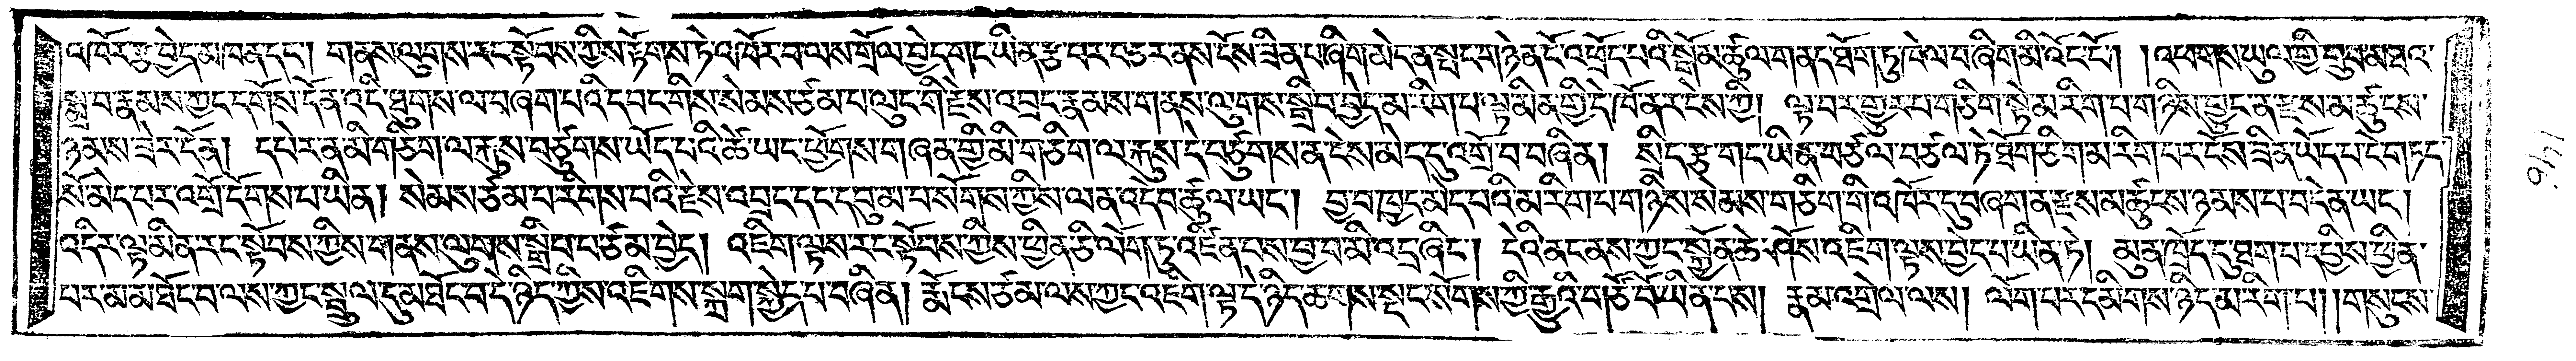འཁོར་རྩ་བྱེད་མཁན་དང་། གནས་ལུགས་རང་སྟོབས་ཀྱིས་རྟོགས་ཏེ་འཁོར་བ་ལས་གྲོལ་བྱེད་གང་ཡིན་རྩ་བར་བཅར་ནས་ངོས་ཟིན་པ་ཞིག་མེད་ན་སྤང་གཉེན་ངོ་འཕྲོད་པའི་སྒོམ་ཚུལ་གནད་ཐོག་ཏུ་ཁེལ་བ་ཞིག་མི་འོང་ངོ། །འཕགས་ཡུལ་གྱི་གྲུབ་མཐའ་
སྨྲ་བ་རྣམས་ཀྱང་དགོས་དོན་འདི་ཐུགས་ལ་བཞག་པའི་དབང་གིས་སེམས་ཙམ་པ་ལུང་གི་རྗེས་འབྲང་རྣམས་གནས་ལུགས་སྒྲིབ་བྱེད་མ་རིག་པ་ལྟ་མིན་གྱི་དེ་ཁོ་ནར་ངེས་ཀྱི། ལྟ་བར་གྱུར་པ་གཅིག་སྟེ་མ་རིག་པ་གཉིས་བྱུང་ན་རྫས་མཚུངས་
ཉམས་ཟེར་དོན། དཔེར་ན་མི་གཅིག་ལ་རྐུས་བཙུགས་ཡོད་པའི་ཚེ་ཡང་ཕྱོགས་གཞན་གྱི་མི་གཅིག་ལ་རྐུས་དེ་བཙུགས་ན་ངེས་མེད་དུ་འགྲོ་བ་བཞིན། སྲིད་རྩ་གང་ཡིན་བཙལ་བཙལ་ཏེ་ཐོག་ཅིག་མ་རིག་པར་ངོས་ཟིན་ཡོད་པ་དེ་གཏང་
སོ་མེད་པར་འགྲོ་དོགས་པ་ཡིན། སེམས་ཙམ་པ་རིགས་པའི་རྗེས་འབྲང་དང་དབུ་མ་པ་སོགས་ཀྱིས་ལན་འདེབ་ཚུལ་ཡང་། བྱ་བ་ཁྱད་མེད་པའི་མ་རིག་པ་གཉིས་སེམས་གཅིག་གི་འཁོར་དུ་བཞག་ན་རྫས་མཚུངས་ཉམས་པ་བདེན་ཡང་།
འདིར་ལྟ་མིན་རང་སྟོབས་ཀྱིས་གནས་ལུགས་སྒྲིབ་པ་ཙམ་བྱེད། འཇིག་ལྟས་རང་སྟོབས་ཀྱིས་ཕྱིན་ཅི་ལོག་ཏུའ་ཛིན་པས་བྱ་བ་མི་འདྲ་ཞིང་། དེའི་ནང་ནས་ཀྱང་སྐྱོན་ཆེ་ཤོས་འཇིག་ལྟར་སྦྱེད་པ་ཡིན་ཏེ། མུན་ཁྱོད་དུ་ཐུག་པར་ཕྱིས་ཕྱིན་
པར་མ་མཐོང་བ་ལས་ཀྱང་སྤྲུལ་དུ་མཐོང་བ་དེ་ཉིད་ཀྱིས་འཇིགས་སྐྲག་སྐྱེད་པ་བཞིན། རྨོངས་ཙམ་ལས་ཀྱང་འཇིག་ལྟ་དེ་ཉིད་ཆགས་སྡང་སོགས་ཀྱི་རྒྱུའི་གཙོ་བོ་ཡིན་པས། རྣམ་འགྲེལ་ལས། ལོག་པར་དམིགས་ཉིད་མ་རིག་པ། །གསུང་